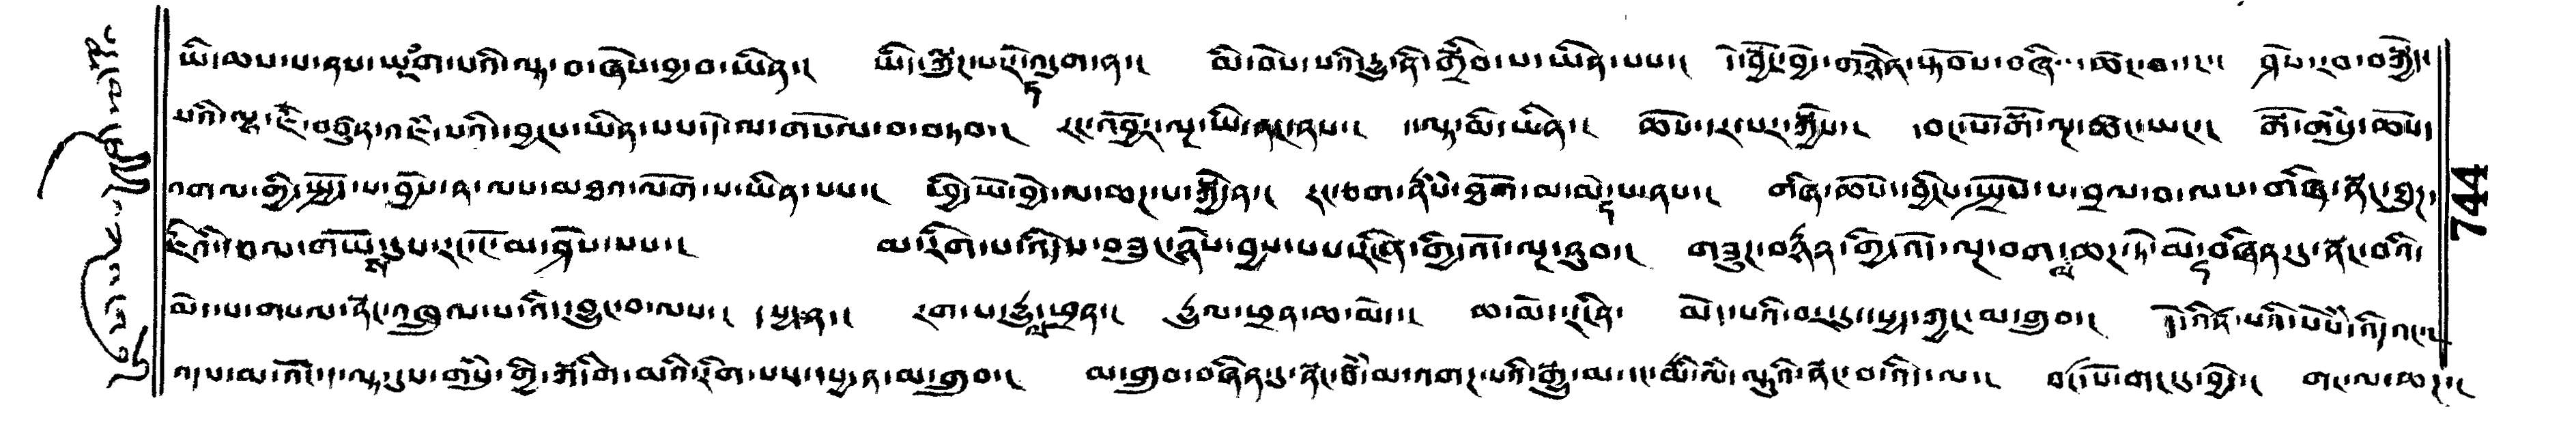ཡིད་ཆས་པ་ནི་ཡང་དག་པའི་ལྟ་བ་ཞེས་བྱ་བ་ཡིན། ཡིད་ལྐུགས་པ་རེད་འདུག་ན། མི་ཤེས་པའི་རྒྱུ་ནི་སྒྲིབ་པ་ཡིན་པས། དེ་སྦྱོང་བྱེད་གཉེན་པོ་སྟོབས་བཞི་ཚང་བ་དང་། ཤེས་རབ་བསྐྱེད་
པའི་ལྷ་རྗེ་བཙུན་འཇམ་པའི་དབྱངས་ཡིན་པས་དེ་ལ་གསོལ་བ་བཏབ། རང་འབྱོར་ལྔ་ཡི་ནང་ནས། ད་ལྟ་མི་ཡིན། ཆོས་དར་སར་སྐྱེས། དབང་པོ་སྒོ་ལྔ་ཚང་ཡང་། སྒོ་གསུམ་ཆོས་
འགལ་གྱི་སྤྱོད་པ་བྱས་ན་ལས་མཐའ་ལོག་པ་ཡིན་པས། ཕྱི་ཡོ་བྱད་ལ་ཆགས་པ་སྐྱེས་ན། རང་ཅག་རྣམས་ཐོག་མ་མེད་པ་ནས། གཞི་ཆོས་དབྱིངས་སྤྲོས་པ་བྲལ་བ་ལས་གཞི་སྣང་ཐུགས་
རྗེའི་རྩལ་གཡོས་པ་རང་ངོ་མ་ཤེས་པས། མ་རིག་པ་འདིས་བཟུང་ཉེས་བྱས་པས་རང་བཞིན་གྱི་འོད་ལྔ་ནུབ། གཟུགས་བརྙན་གྱི་འོད་ལྔ་བག་ལ་ཆགས་ཏེ་མེད་བཞིན་དུ་སྣང་བའི་
མེད་པ་གསལ་སྣང་འཁྲུལ་པ་འདི་བྱུང་བ་ལས། དཔྱད་ན། རགས་པ་རྡུལ་ཕྲན། རྡུལ་པྲན་ཆ་མེད། ཆ་མེད་རང་བཞིན། མེད་པའི་བར་དུ་དཔྱད་ཀྱང་མ་གྲུབ།དེ་འཛིན་པའི་སེམས་འདིའང་
འདས་མ་འོངས་ད་ལྟ་དུས་གསུམ་གྱི་སྐད་ཅིག་མའི་རིག་པས་དཔྱད་ན་མ་གྲུབ། མ་གྲུབ་བཞིན་དུ་སྣང་ཙམ་མ་འགགས་པའི་སྒྱུ་མ་དང་རྨི་ལམ་ལྟ་བུའི་སྣང་བ་འདི་ལ། བཟང་པོ་གང་ལ་ཆགས།